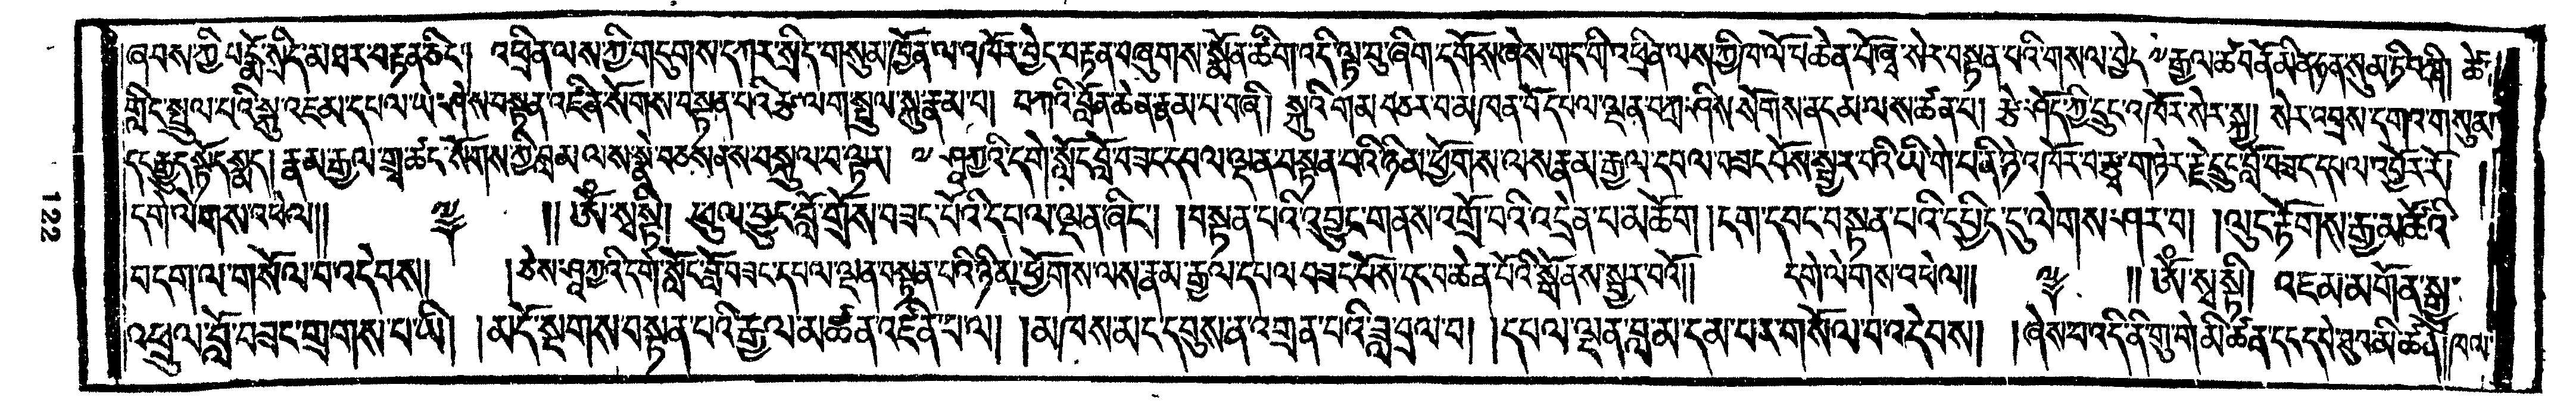ཞབས་ཀྱི་པདམོ་སྲིད་མཐར་བརྟན་ཅིང་། འཕྲིན་ལས་ཀྱི་གདུགས་དཀར་སྲིད་གསུམ་ཁྱོན་ལ་འཁོར་བྱེད་བརྟན་བཞུགས་སྨོན་ཚིག་འདི་ལྟ་བུ་ཞིག་དགོས་ཞེས་གང་གི་འཕྲིན་ལས་ཀྱི་ཁ་ལོ་པ་ཆེན་པོ་ཞྭ་སེར་བསྟན་པའི་གསལ་བྱེད་༧་རྒྱལ་ཆེ་བ་ནོ་མིན་ཧན་སུ་མ་ཏི་བཀྴི། ཚེ་
གླིང་སྤྲུལ་པའི་སྐུ་འཇམ་དཔལ་ཡེ་ཤེས་བསྟན་འཛིན་སོགས་བསྟན་པའི་རྩ་ལག་སྤུལ་སྐུ་རྣམ་པ། བཀའི་བློན་ཆེན་རྣམ་པ་བཞི། སྐུའི་གམ་བཅར་བ་མཁན་བོ་དཔལ་ལྡན་བཀྲ་ཤིས་སོགས་ནང་མ་ལས་ཚན་པ། རྩེ་ཤོད་ཀྱི་དྲུང་འཁོར་སེར་སྐྱ། སེར་འབྲས་དགའ་གསུམ་
དང་རྒྱུད་སྟོད་སྨད། རྣམ་རྒྱལ་གྲྭ་ཚང་སོགས་ཀྱི་བླ་མ་ལས་སྣེ་བཅས་ནས་བསྐུལ་བ་ལྟར། ༧་ཤཱཀྱའི་དགེ་སློང་བློ་བཟང་དཔལ་ལྡན་བསྟན་པའི་ཉི་མ་ཕྱོགས་ལས་རྣམ་རྒྱལ་དཔལ་བཟང་པོས་སྦྱར་བའི་ཡི་གེ་པ་ནི་ཉེ་འཁོར་བ་རྩྭ་གཉེར་རྗེ་དྲུང་བློ་བཟང་དཔལ་འབྱོར་རོ། །
དགེ་ལེགས་འཕེལ།། ༈ །།ཨོཾ་སྭསྟི། ཕུལ་བྱུང་བློ་གྲོས་བཟང་པོའི་དཔལ་ལྡན་ཞིང་། །བསྟན་པའི་འབྱུང་གནས་འགྲོ་བའི་འདྲེན་པ་མཆོག །ངག་དབང་བསྟན་པའི་དཔྱིད་དུ་ལེགས་ཤར་བ། །ལུང་རྟོགས་རྒྱ་མཚོའི་
བདག་ལ་གསོལ་བ་འདེབས། །ཅེས་ཤཱཀྱའི་དགེ་སློང་བློ་བཟང་དཔལ་ལྡན་བསྟན་པའི་ཉི་མ་ཕྱོགས་ལས་རྣམ་རྒྱལ་དཔལ་བཟང་པོས་དང་བ་ཆེན་པོའི་སྒོ་ནས་སྦྱར་བའོ།། དགེ་ལེགས་འཕེལ།། ༈ །།ཨོཾ་སྭསྟི། འཇམ་མགོན་སྒྱུ་
འཕྲུལ་བློ་བཟང་གྲགས་པ་ཡི། །མདོ་སྔགས་བསྟན་པའི་རྒྱལ་མཚན་འཛིན་པ་ལ། །མཁས་མང་དབུས་ན་འགྲན་པའི་ཟླ་བྲལ་བ། །དཔལ་ལྡན་བླ་མ་དམ་པར་གསོལ་བ་འདེབས། །ཞེས་པ་འདི་ནི་གུ་གེ་མི་ཚན་དང་དཔེ་ཐུབ་མི་ཚན། ཁལ་